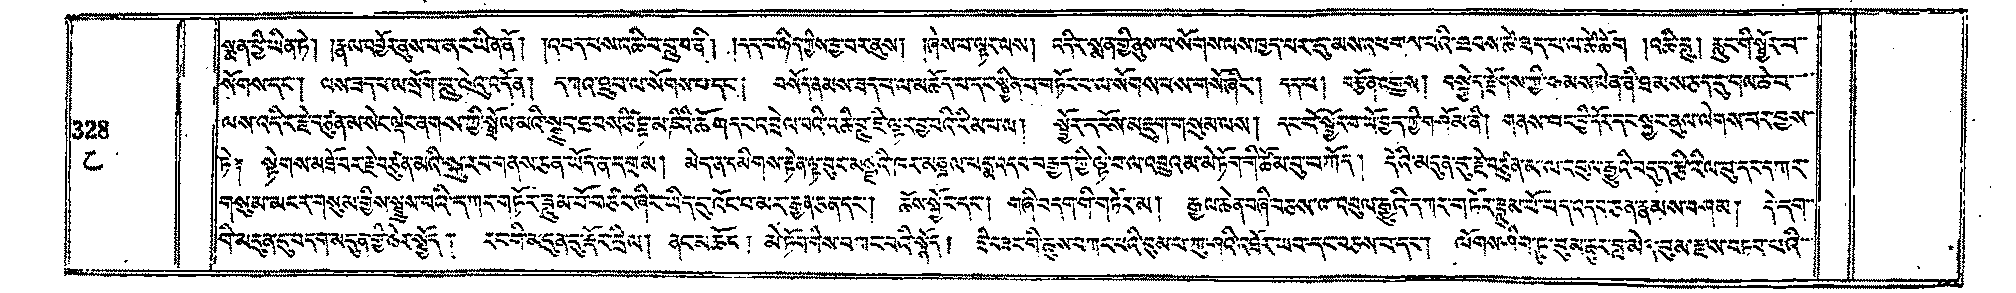སྨན་ཕྱི་ཡིན་ཏེ། །རྣལ་འབྱོར་ནུས་པ་ནང་ཡིན་ནོ། །འབད་པས་འཆི་བ་བླུ་བ་ནི། །དད་པ་ཉིད་ཀྱིས་བྱ་བར་ནུས། །ཞེས་པ་ལྟར་ལས། འདིར་སྨན་གྱི་ནུས་པ་སོགས་ལས་ཁྱད་པར་དུ་མས་འཕགས་པའི་ཐབས་ཚེ་ཟད་པ་ལ་ཚེ་ཆོག །འཆི་བླུ། རླུང་གི་སྦྱོར་བ་་་
སོགས་དང་། ལས་ཟད་པ་ལ་སྲོག་བླུ་ཉེའུ་འདོན། དཀའ་ཐུབ་ལ་སོགས་པ་དང་། བསོད་ནམས་ཟད་པ་ལ་མཆོད་པ་དང་སྦྱིན་པ་གཏོང་བ་ལ་སོགས་པས་གསོ་ཞིང་། དད་པ། བརྩོན་འགྲུས། བསྐྱེད་རྫོགས་ཀྱི་ཉམས་ལེན་ནི་ཐམས་ཅད་གལ་ཆེ་བ་་་
ལས་འདིར་རྗེ་བཙུན་མ་སེང་ལྡེང་ནགས་ཀྱི་སྒྲོལ་མའི་སྒྲུབ་ཐབས་ཙིཏྟ་མ་ཎིའི་ཆོག་དང་འབྲེལ་བའི་འཆི་བླུ་ཇི་ལྟར་བྱ་བའི་རིན་པ་ལ། སྦྱོར་དངོས་མགུ་གསུམ་ལས། དང་པོ་སྦྱོར་བ་ཡོ་བྱད་ཀྱི་གཤོམ་ནི། གནས་ཁང་བྱི་དོར་དང་སྐྱང་ནུལ་ལེགས་པར་བྱས་་་
ཏེ༑ སྟེགས་མཐོ་བར་རྗེ་བཙུན་མའི་སྐུ་རབ་གནས་ཅན་ཡོད་ན་དགྲམ། མེད་ན་དམིགས་རྟེན་ལྟ་བུར་མཉྫའི་ཁར་མཎྜལ་པདམ་འདབ་བརྒྱད་ཀྱི་ལྟེ་བ་ལ་འབྲུའམ་མེ་ཏོག་གི་ཚོམ་བུ་བཀོད། དེའི་མདུན་དུ་རྗེ་བཙུན་མ་ལ་འབུལ་རྒྱུའི་བདུད་རྩི་རིལ་བུ་དང་དཀར་
གསུམ་མངར་གསུམ་གྱིས་སྦྲུས་པའི་དཀར་གཏོར་ཟླུམ་པོ་གཙང་ཞིང་ཡིད་དུ་འོང་བ་མར་རྒྱན་ཅན་དང་། ཆོས་སྐྱོང་དང་། གཞི་བདག་གི་གཏོར་མ། རྒྱལ་ཆེན་བཞི་བཅས་ལ་འབུལ་རྒྱུའི་དཀར་གཏོར་ཟླུམ་པོ་པད་འདབ་ཅན་རྣམས་བཤམ། དེ་དག་་་
གི་མདུན་དུ་བདག་མདུན་གྱི་ཉེར་སྤྱོད། རང་གི་མདུན་དུ་རྡོར་དྲིལ། ནང་མཆོད། མེ་ཏོག་གིས་བཀང་བའི་སྣོད། དྲི་བཟང་གི་ཆུས་བཀང་པའི་བུམ་པ་ཀུ་ཤའི་འཐོར་ཡབ་དང་བཅས་པ་དང་། ལོགས་ཤིག་ཏུ་བུམ་ཆུར་བླ་མེད་བུམ་རྫས་བཏབ་པའི་་་